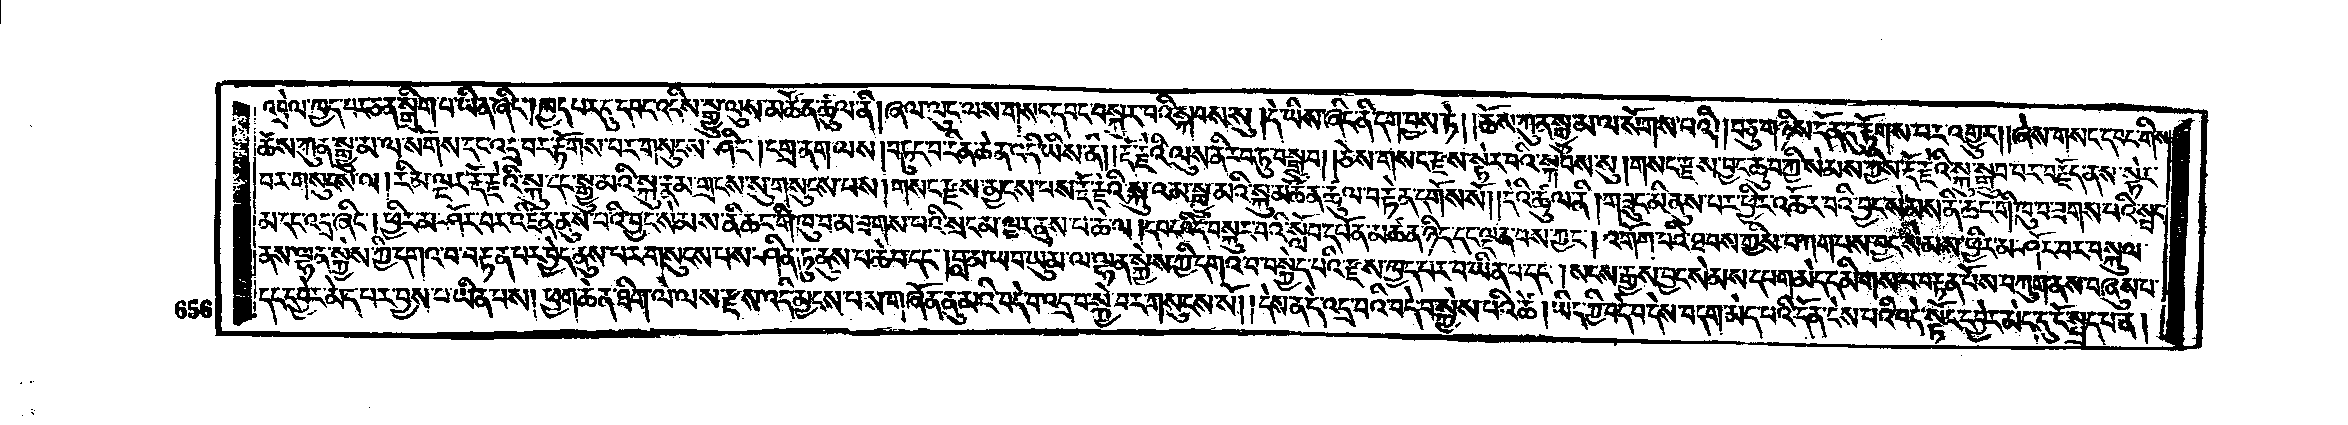འབྲེལ་ཁྱད་པར་ཅན་སྒྲིག་པ་ཡིན་ཞིང་། ཁྱད་པར་དུ་དབང་འདིས་སྒྱུ་ལུས་མཚོན་ཚུལ་ནི། ཞལ་ལུང་ལས་གསང་དབང་བསྐུར་བའི་སྐབས་སུ། དེ་ཡིས་ཞིང་ནི་དག་བྱས་ཏེ། །ཆོས་ཀུན་སྒྱུ་མ་ལ་སོགས་པའི། །བཅུ་གཉིས་དོན་དུ་རྟོགས་པར་འགྱུར། །ཞེས་གསང་དབང་གིས་
ཆོས་ཀུན་སྒྱུ་མ་ལ་སོགས་དང་འདྲ་བར་རྟོགས་པར་གསུངས་ཤིང་། དགྲ་ནག་ལས། བཏུང་བ་རིན་ཆེན་འདི་ཡིས་ནི། །རྡོ་རྗེའི་ལུས་ནི་རབ་ཏུ་བསྒྲུབ། །ཅེས་གསང་རྫས་སྟེར་བའི་སྐབས་སུ། གསང་རྫས་བྱང་ཆུབ་ཀྱི་སེམས་ཀྱིས་རྡོ་རྗེའི་སྐུ་སྒྲུབ་པར་བརྗོད་ནས་སྟེར་
བར་གསུངས་ལ། རིམ་ལྔར་རྡོ་རྗེའི་སྐུ་དང་སྒྱུ་མའི་སྐུ་རྣམ་གྲངས་སུ་གསུངས་པས། གསང་རྫས་མྱངས་པས་རྡོ་རྗེའི་སྐུ་འམ་སྒྱུ་མའི་སྐུ་མཚོན་ཚུལ་བརྟེན་དགོས་སོ། །དེའི་ཚུལ་ནི། གཟུང་མི་ནུས་པར་ཕྱིར་འཚོར་བའི་བྱང་སེམས་ནི་ཆང་གི་ཁུ་བ་ཟགས་པའི་སྦང་
མ་དང་འདྲ་ཞིང་། ཕྱིར་མ་ཤོར་བར་འཛིན་ནུས་པའི་བྱང་སེམས་ནི་ཆང་གི་ཁུ་བ་མ་ཟགས་པའི་སྦང་མ་ལྟར་ནུས་པ་ཆེ་ལ། དབང་འདི་བསྐུར་བའི་སློབ་དཔོན་མཚན་ཉིད་དང་ལྡན་པས་ཀྱང་། འགོག་པའི་ཐབས་ཀྱིས་བཀག་པས་བྱང་སེམས་ཕྱིར་མ་ཤོར་བར་བསྐུལ་
ནས་ལྷན་སྐྱེས་ཀྱི་དགའ་བ་བརྟན་པར་བྱེད་ནུས་པར་གསུངས་པས་ཤིན་ཏུ་ནུས་པ་ཆེ་བ་དང་། བླ་མ་ཡབ་ཡུམ་ལ་ལྷན་སྐྱེས་ཀྱི་དགའ་བ་བསྐྱེད་པའི་རྫས་ཁྱད་པར་བ་ཡིན་པ་དང་། སངས་རྒྱས་བྱང་སེམས་དཔག་མེད་དམིགས་པ་བརྟན་པོས་བཀུག་ནས་བཞུས་པ་
དང་དབྱེར་མེད་པར་བྱས་པ་ཡིན་པས། ཕྱག་ཆེན་ཐིག་ལེ་ལས་རྫས་འདི་མྱངས་པས་གཞོན་ནུ་མའི་བདེ་བ་འདྲ་བ་སྐྱེ་བར་གསུངས་སོ། །དེས་ན་དེ་འདྲ་བའི་བདེ་བ་སྐྱེས་པའི་ཚེ། ཡིད་ཀྱི་བདེ་བ་དེས་བདག་མེད་པའི་དོན་ངེས་པའི་བདེ་སྟོང་དབྱེར་མེད་དུ་ངོ་སྤྲད་པ་ན།